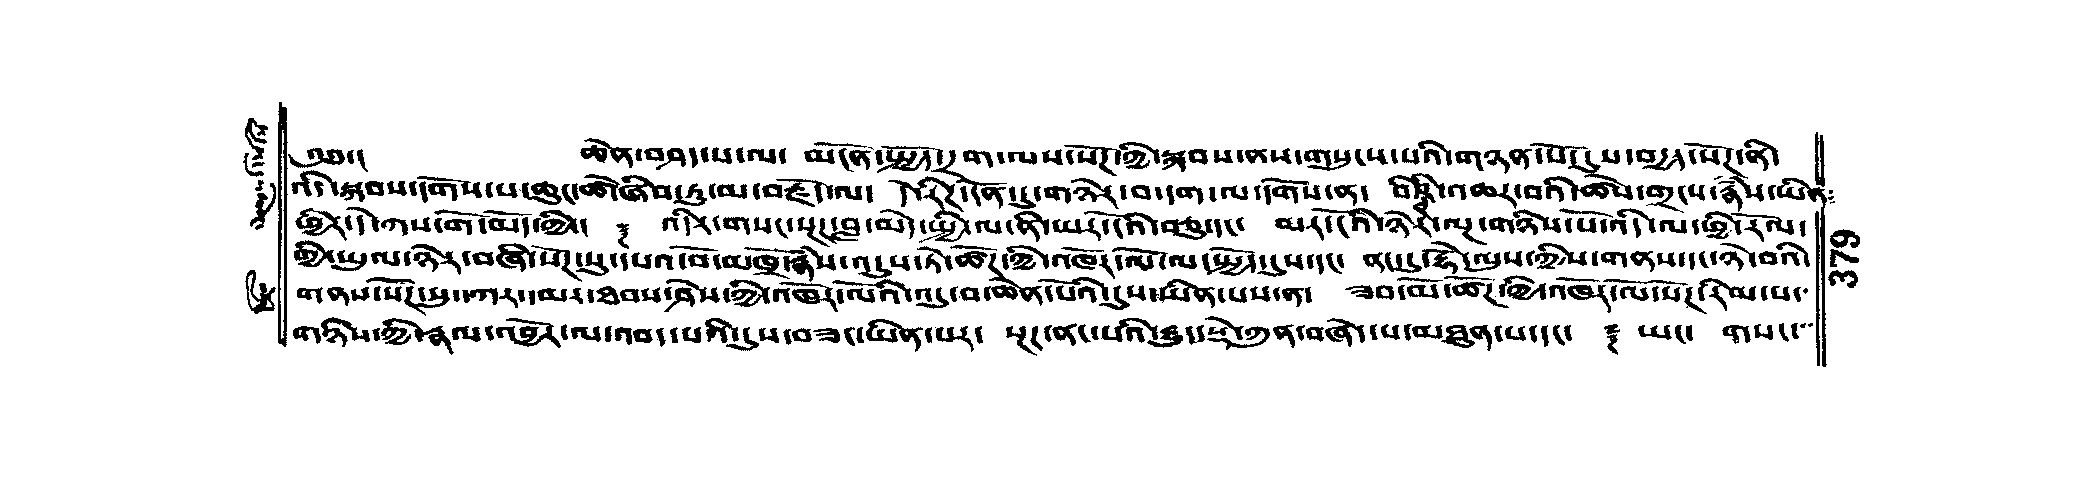ཆེན་བཤད་པ་ལ། མངོན་སྤྱོད་དྲག་ལས་སོགས་ཀྱི་སྐབས་ནས་གསུངས་པའི་གཉན་པོ་དུས་བརྒྱད་སོགས་ནི་
འདི་སྐབས་དགོས་པ་ཆུང་ཚེ་ཞིབ་ཏུ་མ་བརྗོད་ལ། དེ་རིགས་དོན་དུ་གཉེར་བ་དག་ལ་དགོས་ན། བིཥྚི་འཆར་བའི་ཚེས་གྲངས་རྣམས་ཡིན་
ཕྱིར་དེ་ཀས་གོ་མོད་ཀྱི།འདིར་གསང་སྔགས་བླ་མེད་སྤྱི་ལ་ནི་ཡར་ངོའི་བཅུ་དང་། མར་ངོའི་ཉེར་ལྔ་གཉིས་པོ་འདི་ལ་ཕྱི་རོལ་
གྱི་ཡུལ་ཉེར་བཞི་སོགས་སུ་དཔའ་བོ་མཁའ་འགྲོ་རྣམས་འདུས་ཏེ་ཚོགས་ཀྱི་འཁོར་ལོ་ལ་སྤྱོད་དུས་དང་། ནང་དུ་རྡོ་རྗེ་ལུས་ཀྱིས་གནས་དང་ཉེ་བའི་
གནས་སོགས་སུ་དཀར་དམར་ཐབས་ཤེས་ཀྱི་འཁོར་ལོའི་འདུ་བ་ཆེན་པོའི་དུས་ཡིན་པས་ན། ཟབ་མོ་ཚོགས་ཀྱི་འཁོར་ལོ་སོགས་རིམ་པ་
གཉིས་ཀྱི་རྣལ་འབྱོར་ལ་འབད་པའི་དུས་བཟང་ཡིན་པར། སྔགས་ནང་པའི་རྒྱུད་སྡེ་ཀུན་བཞེད་པ་མཐུན་པ་དང་། ཡང་། གསང་